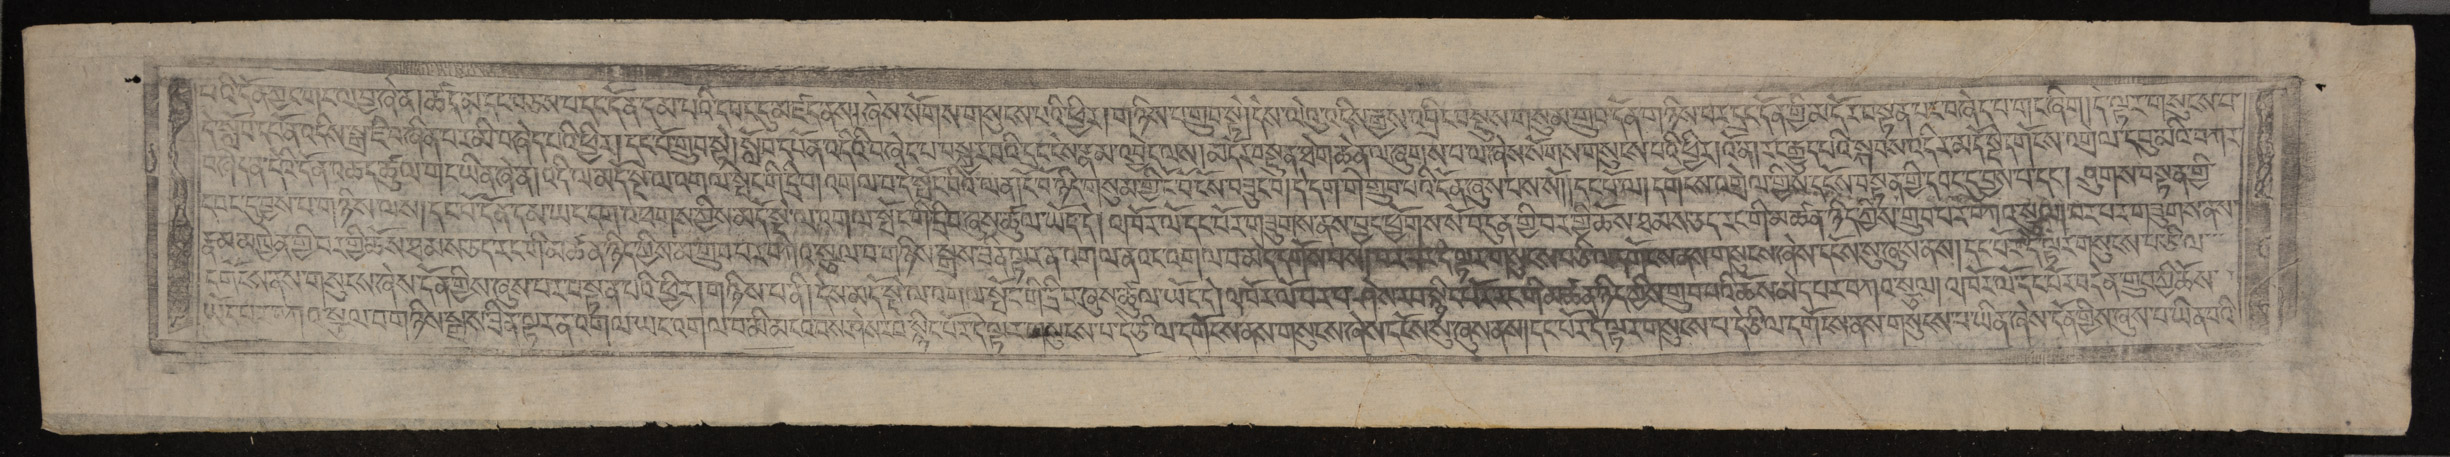པའི་དོན་ཀྱང་གང་ལ་བྱ་ཞེ་ན། ཚད་མ་དང་བཅས་པ་དང་དོན་དམ་པའི་དབང་དུ་མཛད་ནས། ཞེས་སོགས་གསུངས་པའི་ཕྱིར། གཉིས་པ་གྲུབ་སྟེ། དེས་ལེའུ་འདིས་རྒྱས་འབྲིང་བསྡུས་གསུམ་གྲུབ་དོན་གཉིས་པར་དྲང་དོན་གྱི་མདོར་བསྟན་པར་བཞེད་པ་གང་ཞིག། དེ་ལྟར་གསུངས་པ་
དེ་སློབ་དཔོན་འདིས་སྒྲ་ཇི་བཞིན་པར་མི་བཞེད་པའི་ཕྱིར། དང་པོ་གྲུབ་སྟེ། སློབ་དཔོན་འདིའི་བཞེད་པ་བསྐྱར་བའི་དྲང་ངེས་རྣམ་འབྱེད་ལས། མདོར་བསྡུ་ན་ཐེག་ཆེན་ལ་ཞུགས་པ་ལ་ཞེས་སོགས་གསུངས་པའི་ཕྱིར། འོ་ན། རང་རྒྱུད་པའི་སྐབས་འདིར་མདོ་སྡེ་དགོངས་འགྲེལ་དབུ་མའི་བཀར་
བཞེད་ན་དེའི་དོན་འཆད་ཚུལ་གང་ཡིན་ཞེ་ན། འདི་ལ་མདོ་སྡེ་ལ་འགལ་སྤོང་གི་དྲི་བ། འགལ་བ་དེ་སྤོང་བའི་ལན། ངོ་བོ་ཉིད་གསུམ་གྱི་ངོ་བོ་ངོས་བཟུང་བ། དེ་དག་གི་གྲུབ་པའི་དོན་ཞུས་པས་སོ། ། དང་པོ་ལ། དགོངས་འགྲེལ་གྱིས་དངོས་བསྟན་གྱི་དབང་དུ་བྱས་པ་དང་། ཤུགས་བསྟན་གྱི་
དབང་དུ་བྱས་པ་གཉིས་ལས། དང་པོ་དོན་དམ་ཡང་དག་འཕགས་ཀྱིས་མདོ་སྡེ་ལ་འགལ་སྤོང་གི་དྲི་བ་ཞུས་ཚུལ་ཡོད་དེ། འཁོར་ལོ་དང་པོར་གཟུགས་ནས་བྱང་ཕྱོགས་སོ་བདུན་གྱི་བར་གྱི་ཆོས་ཐམས་ཅད་རང་གི་མཚན་ཉིད་ཀྱིས་གྲུབ་པར་བཀའ་སྩལ། བར་པར་གཟུགས་ནས་
རྣམ་མཁྱེན་གྱི་བར་གྱི་ཆོས་ཐམས་ཅད་རང་གི་མཚན་ཉིད་ཀྱིས་མ་གྲུབ་པར་བཀའ་སྩལ་བ་གཉིས་སྒྲས་ཟིན་ལྟར་ན་འགལ་ནའང་འགལ་བ་མེད་དགོས་པས། བར་པར་དེ་ལྟར་གསུངས་པ་ཅི་ལ་དགོངས་ནས་གསུངས་ཞེས་དངོས་སུ་ཞུས་ནས། དང་པོར་དེ་ལྟར་གསུངས་པ་ཅི་ལ་
དགོངས་ནས་གསུངས་ཞེས་དོན་གྱིས་ཞུས་པར་བསྟན་པའི་ཕྱིར། གཉིས་པ་ནི། དེས་མདོ་སྡེ་ལ་འགལ་སྤོང་གི་དྲི་བ་ཞུས་ཚུལ་ཡོད་དེ། འཁོར་ལོ་བར་པ་ཤེས་རབ་སྙིང་པོར་རང་གི་མཚན་ཉིད་ཀྱིས་གྲུབ་པའི་ཆོས་མེད་པར་བཀའ་སྩལ། འཁོར་ལོ་དང་པོར་བདེན་གྲུབ་ཀྱི་ཆོས་
ཡོད་པར་བཀའ་སྩལ་པ་གཉིས་སྒྲས་ཟིན་ལྟར་ན་འགལ་ཡང་འགལ་བ་མི་མངའ་བས་ཤེས་རབ་སྙིང་པོར་དེ་ལྟར་གསུངས་པ་དེ་ཅི་ལ་དགོངས་ནས་གསུངས་ཞེས་དངོས་སུ་ཞུས་ནས། དང་པོར་དེ་ལྟར་གསུངས་པ་དེ་ཅི་ལ་དགོངས་ནས་གསུངས་པ་ཡིན་ཞེས་དོན་གྱིས་ཞུས་པ་ཡིན་པའི་